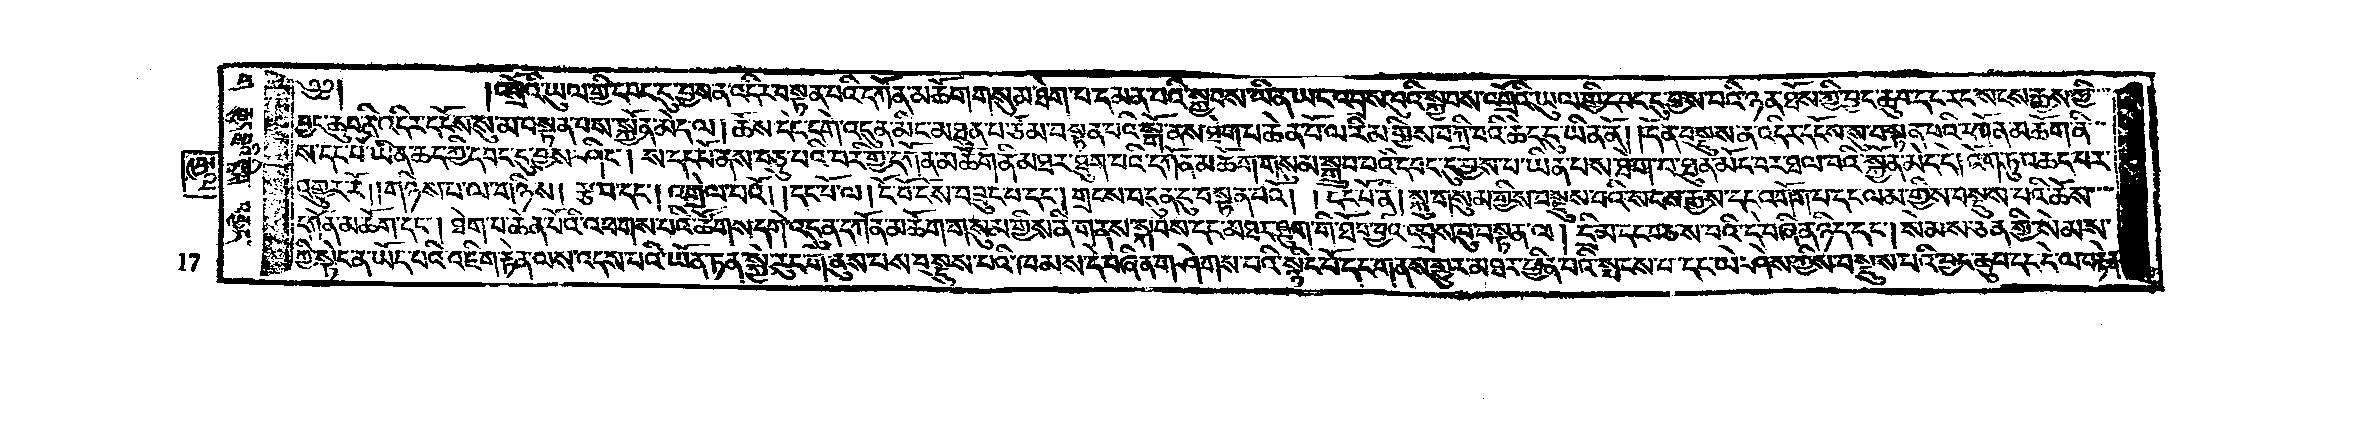༄༅། །འགྲོའི་ཡུལ་གྱི་དབང་དུ་བྱས་ན་འདིར་བསྟན་པའི་དཀོན་མཆོག་གསུམ་ཐེག་པ་དམན་པའི་སྐྱབས་ཡིན་ཡང་འབྲས་བུའི་སྐྱབས་འགྲོའི་ཡུལ་གྱི་དབང་དུ་བྱས་པའི་ཉན་ཐོས་ཀྱི་བྱང་ཆུབ་དང་རང་སངས་རྒྱས་ཀྱི་
བྱང་ཆུབ་ནི་འདིར་དངོས་སུ་མ་བསྟན་པས་སྐྱོན་མེད་ལ། ཆོས་དེང་དགེ་འདུན་མིང་མཐུན་པ་ཙམ་བསྟན་པའི་སྒོ་ནས་ཐེག་པ་ཆེན་པོ་ལ་རིམ་གྱིས་བཀྲི་བའི་ཆེད་དུ་ཡིན་ནོ། །དོན་བསྡུས་ན་འདིར་དངོས་སུ་བསྟན་པའི་དཀོན་མཆོག་ནི་
ས་དང་པོ་ཡིན་ཆད་ཀྱི་དབང་དུ་བྱས་ཤིང་། ས་དང་པོ་ནས་བཅུ་པའི་བར་གྱི་དཀོན་མཆོག་ནི་མཐར་ཐུག་པའི་དཀོན་མཆོག་གསུམ་སྒྲུབ་པའི་དབང་དུ་བྱས་པ་ཡིན་པས་ཐེག་པ་ཐུན་མོང་བར་ཐལ་པའི་སྐྱོན་མེད་དེ། འོག་ཏུ་འཆད་པར་
འགྱུར་རོ། །གཉིས་པ་ལ་གཉིས། རྩ་བ་དང་། འགྲེལ་པའོ། །དང་པོ་ལ། ངོ་བོ་ངོས་བཟུང་བ་དང་། གྲངས་བདུན་དུ་བསྟན་པའོ། །དང་པོ་ནི། སྐུ་གསུམ་གྱིས་བསྡུས་པའི་སངས་རྒྱས་དང་འགོག་པ་དང་ལམ་གྱིས་བསྡུས་པའི་ཆོས་
དཀོན་མཆོག་དང་། ཐེག་པ་ཆེན་པོའི་འཕགས་པའི་ཚོགས་དགེ་འདུན་དཀོན་མཆོག་གསུམ་གྱིས་ནི་གནས་སྐབས་དང་མཐར་ཐུག་གི་ཐོབ་བྱའི་འབྲས་བུ་བསྟན་ལ། དྲི་མ་དང་བཅས་པའི་དེ་བཞིན་ཉིད་དང་། སེམས་ཅན་གྱི་སེམས་
ཀྱི་སྟེང་ན་ཡོད་པའི་འཇིག་རྟེན་ལས་འདས་པའི་ཡོན་ཏན་སྐྱེ་རུང་གི་ནུས་པས་བསྡུས་པའི་ཁམས་དེ་བཞིན་གཤེགས་པའི་སྙིང་པོ་དང་གནས་གྱུར་མཐར་ཕྱིན་པའི་སྤངས་པ་དང་ཡེ་ཤེས་ཀྱིས་བསྡུས་པའི་བྱང་ཆུབ་དང་དེ་ལ་བརྟེན་